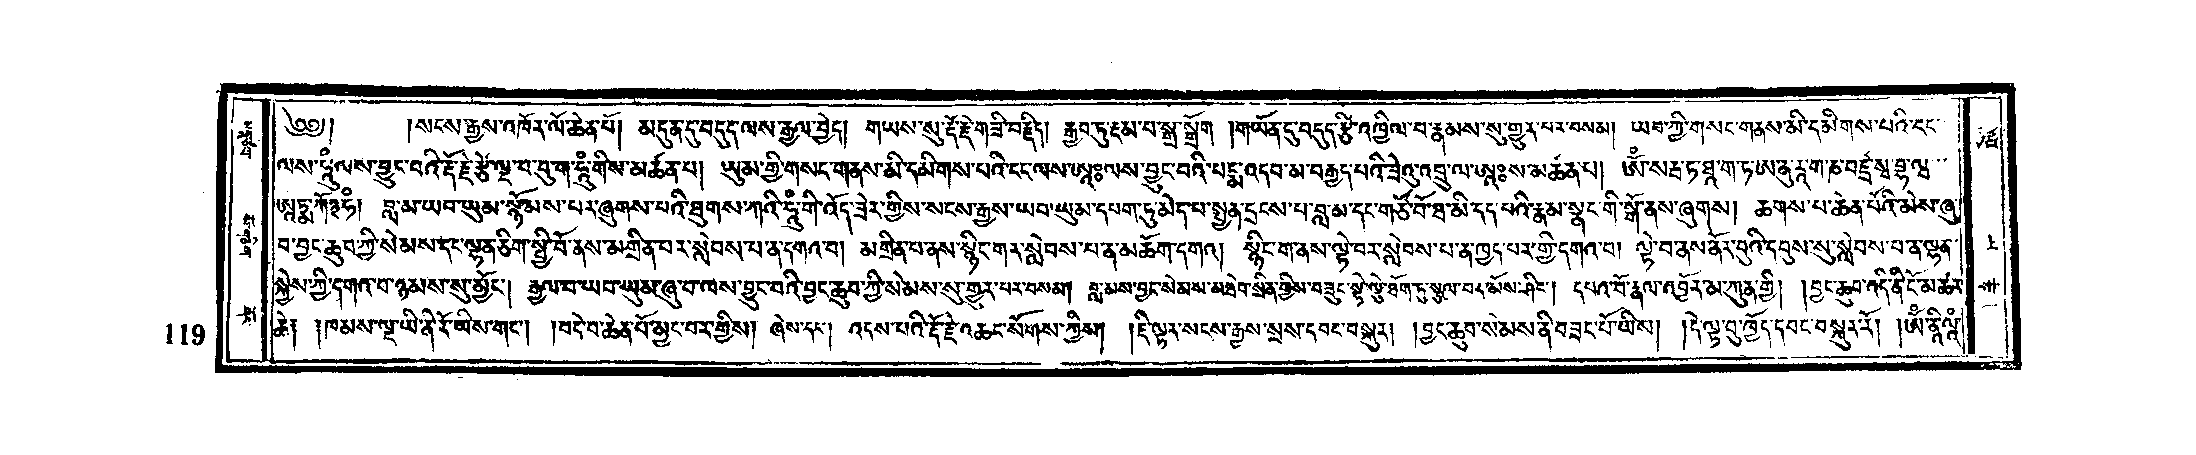༄༅། །སངས་རྒྱས་འཁོར་ལོ་ཆེན་པོ། མདུན་དུ་བདུད་ལས་རྒྱལ་བྱེད། གཡས་སུ་རྡོ་རྗེ་གཟི་བརྗིད། རྒྱབ་ཏུ་རྔམ་པ་སྒྲ་སྒྲོག །གཡོན་དུ་བདུད་རྩི་འཁྱིལ་བ་རྣམས་སུ་གྱུར་པར་བསམ། ཡབ་ཀྱི་གསང་གནས་མི་དམིགས་པའི་ངང་
ལས་ཧཱུཾ་ལས་བྱུང་བའི་རྡོ་རྗེ་རྩེ་ལྔ་བ་བུ་ག་ཧཱུཾ་གིས་མཚན་པ། ཡུམ་གྱི་གསང་གནས་མི་དམིགས་པའི་ངང་ལས་ཨཱཿ ལས་བྱུང་བའི་པདམ་འདབ་མ་བརྒྱད་པའི་ཟེའུ་འབྲུ་ལ་ཨཱཿ ས་མཚན་པ། ཨོཾ་སརྦ་ཏ་ཐཱ་ག་ཏ་ཨ་ནུ་རཱ་ག་ཎ་བཛྲ་སྭ་བྷ་ཝ་
ཨཱཏྨ་ཀོཉཧཾ། བླ་མ་ཡབ་ཡུམ་སྙོམས་པར་ཞུགས་པའི་ཐུགས་ཀའི་ཧཱུཾ་གི་འོད་ཟེར་གྱིས་སངས་རྒྱས་ཡབ་ཡུམ་དཔག་ཏུ་མེད་པ་སྤྱན་དྲངས་པ་བླ་མ་དང་གཙོ་བོ་ཐ་མི་དད་པའི་རྣམ་སྣང་གི་སྒོ་ནས་ཞུགས། ཆགས་པ་ཆེན་པོའི་མེས་ཞུ་
བ་བྱང་ཆུབ་ཀྱི་སེམས་དང་ལྷན་ཅིག་སྤྱི་བོ་ནས་མགྲིན་པར་སླེབས་པ་ན་དགའ་བ། མགྲིན་པ་ནས་སྙིང་གར་སླེབས་པ་ན་མཆོག་དགའ། སྙིང་ག་ནས་ལྟེ་བར་སླེབས་པ་ན་ཁྱད་པར་གྱི་དགའ་བ། ལྟེ་བ་ནས་ནོར་བུའི་དབུས་སུ་སླེབས་པ་ན་ལྷན་
སྐྱེས་ཀྱི་དགའ་བ་ཉམས་སུ་མྱོང་། རྒྱལ་བ་ཡབ་ཡུམ་ཞུ་བ་ལས་བྱུང་བའི་བྱང་ཆུབ་ཀྱི་སེམས་སུ་གྱུར་པར་བསམས། བླ་མས་བྱང་སེམས་མཐེབ་སྲིན་གྱིས་བཟུང་སྟེ་ལྕེ་ཐོག་ཏུ་སྩལ་བར་མོས་ཤིང་། དཔའ་བོ་རྣལ་འབྱོར་མ་ཀུན་གྱིས། །བྱང་ཆུབ་འདི་ནི་ངོ་མཚར་
ཆེ། །ཁམས་ལྔ་ཡི་ནི་རོ་ཡིས་གང་། །བདེ་བ་ཆེན་པོ་མྱང་བར་གྱིས། ཞེས་དང་། འདས་པའི་རྡོ་རྗེ་འཆང་སོགས་ཀྱིས། །ཇི་ལྟར་སངས་རྒྱས་སྲས་དབང་བསྐུར། །བྱང་ཆུབ་སེམས་ནི་བཟང་པོ་ཡིས། །དེ་ལྟ་བུ་ཁྱོད་དབང་བསྐུར་རོ། །ཨོཾ་ནཱི་ལཱཾ་